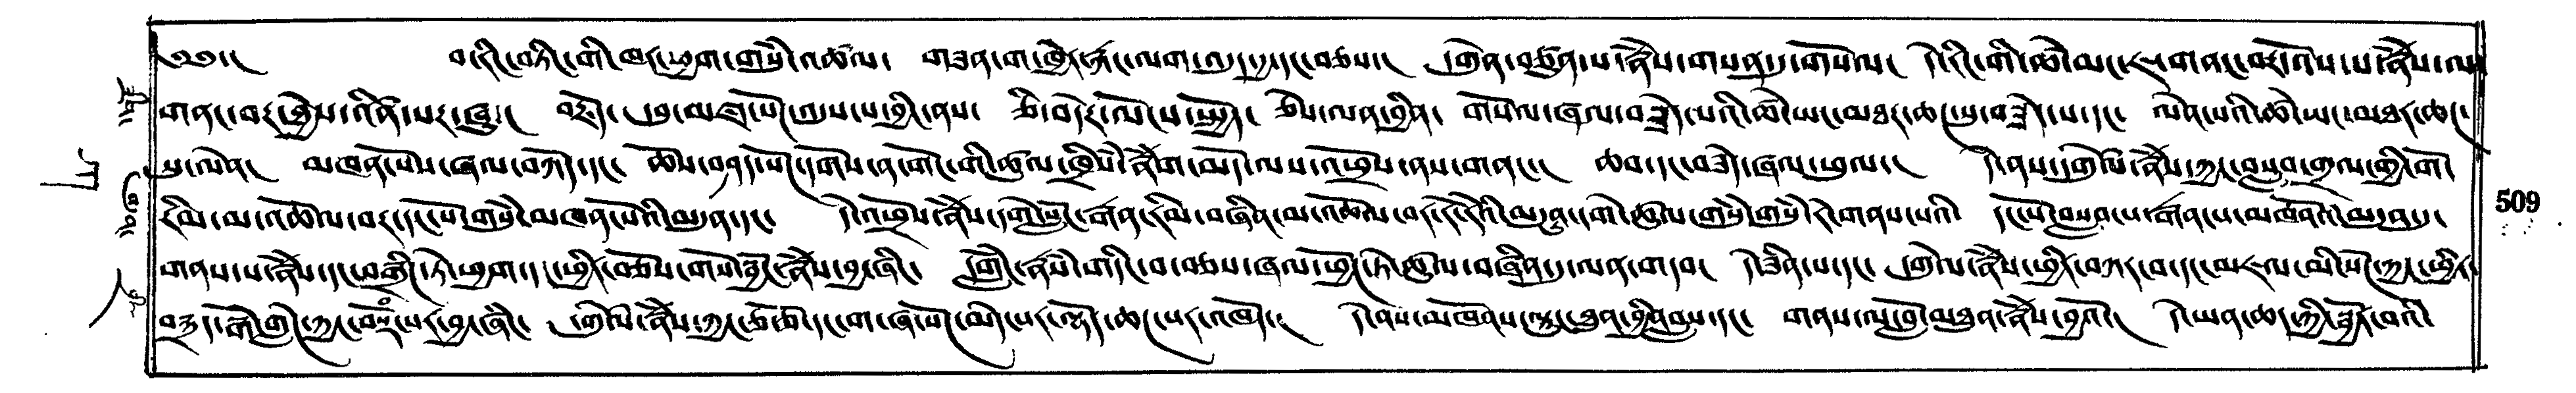བ་རིང་བཏིང་གི་ཁར་ཕྱག་གསུམ་འཚལ། གཟན་གལ་ཁྱེར་རྐང་ལག་འདུད་རྒྱ་དང་བཅས། དགེ་འདུན་བཙུན་པ་རྣམས་གསན་དུ་གསོལ། དེ་རིང་གི་ཚེ་མང་ཇ་གནང་བར་འོས་པ་རྣམས་ལ་
གནང་བར་ཐུགས་རྗེས་འཛིན་པར་ཞུ། བརྗོད། དབུ་མཛད་སོགས་འདུས་པ་བྱིངས་ནས། ཅི་བདེར་ལོངས་སྤྱོད། ཅེས་ལན་བྱིན། གསོལ་ཞལ་བཟེད་པའི་ཚེ་ཡང་མཐར་ཆགས་སུ་བཟེད་པ་དང་། ལེན་པའི་ཚེ་ཡང་མཐར་ཆགས་
སུ་ལེན། མཁན་པོས་ཞལ་བཀོད་དང་། ཆོས་བཤད་སོགས་དགོས་ན་གོང་གི་ཚུལ་ཁྲིམས་རྣམ་དག་མདོ་ལས་འཕྲོས་ནས་གནང་། ཆབ་དང་བཟེད་ཞལ་ཕུལ། དེ་ནས་དགེ་ཚུལ་རྣམས་ཀྱང་བསླབ་གྲལ་གྱི་གོ་
རིམ་མ་འཆོལ་བར་དང་པོ་གསུམ་མཁན་པོའི་མདུན་དང་། དེ་འཕྲོས་རྣམས་དགེ་སློང་རྒན་རིམ་བཞིན་མ་འཆོལ་བར་རེ་རེའི་མདུན་དུ་དགེ་ཚུལ་གསུམ་རེ་གནས་པའི། དང་པོ་བསླབ་པ་རྒན་པ་མཁན་པོའི་མདུན་དུ་
གནས་པ་རྣམས་དང་བསྒྲིགས་ཏེ་ཕྱག་དང་ཕྱིར་བཅོས་གསོ་སྦྱོང་རྣམས་བྱ་ཞིང་། དགེ་སློང་རྣམས་གདིང་བ་བཅས་ཞལ་ཕྱོགས་ཏེ་ཚུལ་བཞིན་དུ་ལན་གདབ། དེ་ཟིན་པ་དང་། དགེ་ཚུལ་རྣམས་ཕྱིར་བཀར་བ་དང་མཇལ་མི་སོགས་ཀྱང་ཕྱིར་
བསྐྲད་སྒོ་གླེགས་ཀྱང་བསྡོམ་པར་བྱ་ཞིང་། དགེ་ཚུལ་རྣམས་ཀྱང་ཅ་ཅོ་དང་ག་ཞ་སོགས་མེད་པར་ལྷོད་ཆགས་པར་འཁོད། དེ་ནས་མཁན་པོས་ལྟུང་ཐུན་བྱིན་རླབས་དང་། གནས་ལ་བློ་མཐུན་རྣམས་བྱའོ།། དེ་ཡན་ཆད་ཀྱི་སྦྱོར་བའི་